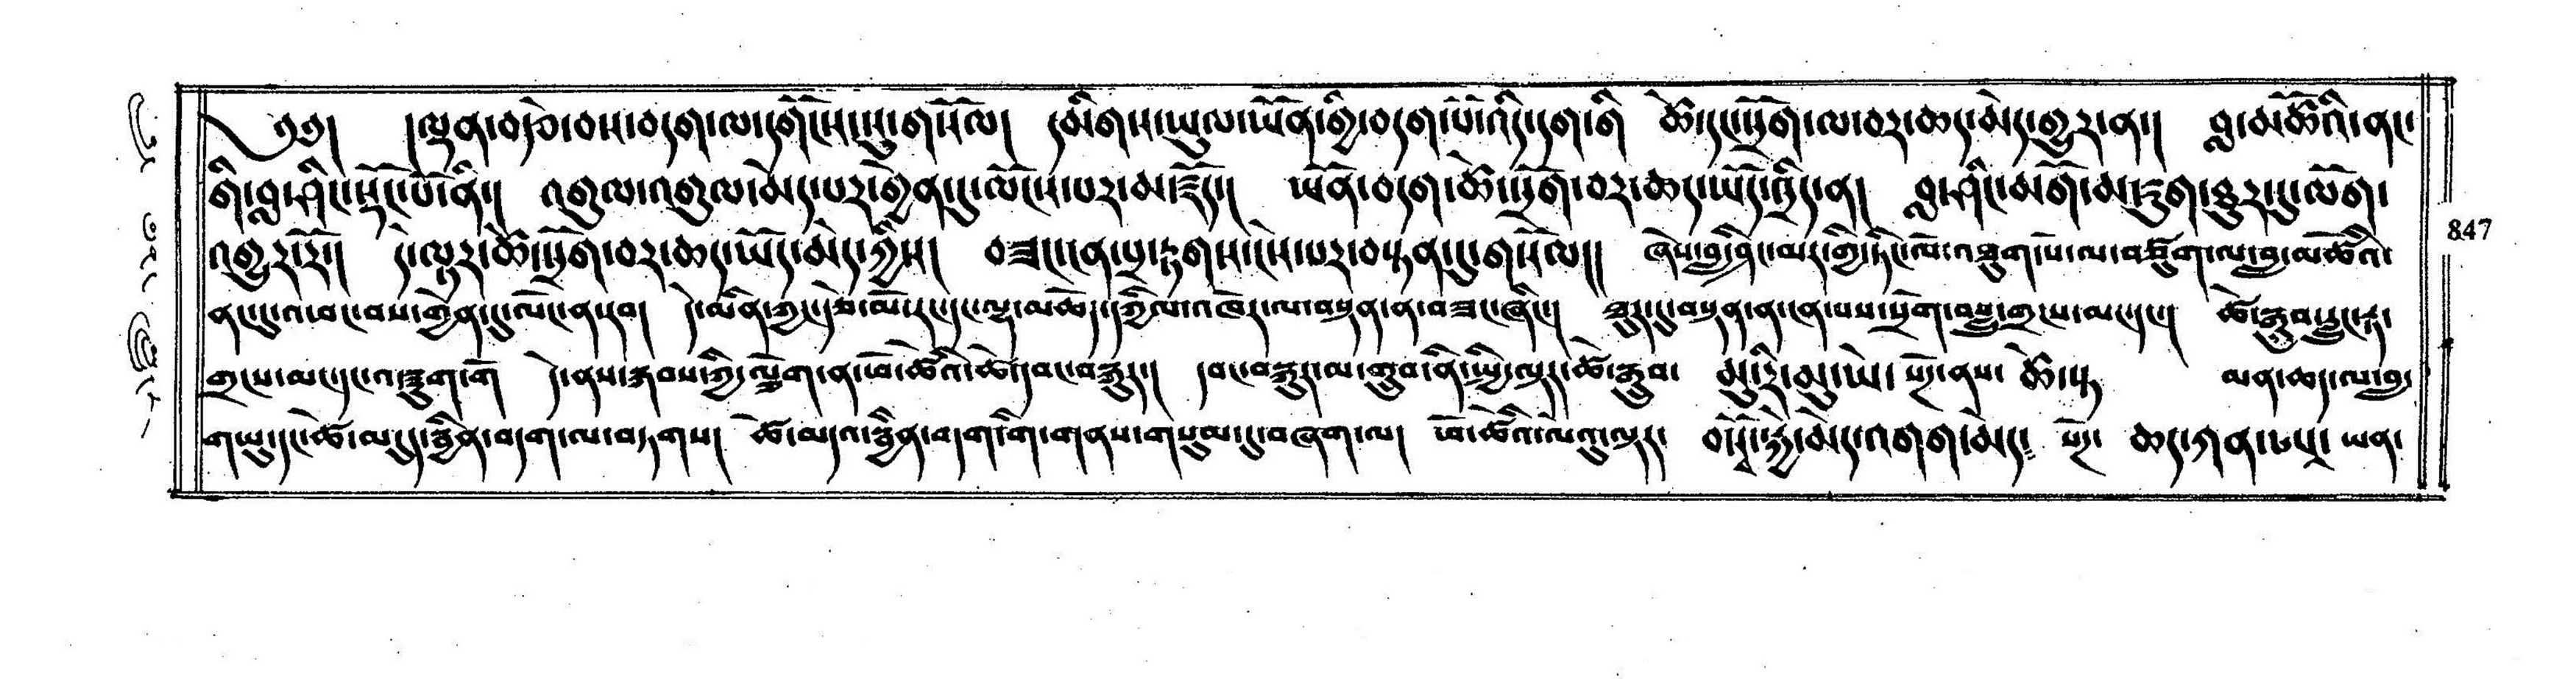ལྡན་བརྩེ་བས་བདག་ལ་དགོངས་སུ་གསོལ། དམིགས་ཡུལ་ཡོན་གྱི་བདག་པོ་འདི་དག་གི ཚེ་དང་སྲོག་ལ་བར་ཆད་མེད་གྱུར་ན། བླ་མཚོའི་ནང་
གི་བླ་ཤིང་སྡོང་པོ་ནི། འགུལ་འགུལ་མེད་པར་གྱེན་དུ་ལོངས་པར་མཛོད། ཡོན་བདག་ཚེ་སྲོག་བར་ཆད་ཡོད་སྲིད་ན། བླ་ཤིང་མགོ་མཇུག་ཐུར་དུ་ལོག་
འགྱུར་རོ། དེ་ལྟར་ཚེ་སྲོག་བར་ཆད་ཡོད་མེད་ཀྱིས། བཟང་ངན་པྲ་རྟགས་ངེས་པར་བསྟན་དུ་གསོལ།། ཞེས་བླ་ཤིང་མར་གྱི་ཏིང་ལོ་འཐུག་པོ་ལ་བཙུག་ལ་བླ་མཚོའི་
ནང་དུ་འཕང་བས་གྱེན་དུ་ལངས་ན་རབ། དེ་མིན་ཀྱང་རྩེ་མོ་རང་དང་ལྷ་མཆོད་དཀྱིལ་འཁོར་ལ་བསྟན་ན་བཟང་ཞིང་། ཐུར་དུ་བསྟན་ན་ངན་པས་སྲོག་བསླུ་གྲངས་མང་དང་། ཚེ་སྒྲུབ་རླུང་རྟ་
གྲངས་མང་དང་འཛུག་གོ དེ་ནས་སྐབས་ཀྱི་ལྕོག་ན་ཕོ་ཚེའི་ཚེ་དབང་བསྐུར། དབང་བསྐུར་མ་གྲུབ་ནི་སྤྱི་ལྟར་ཚེ་སྒྲུབ་མུ་རི་མུ་ཡེ་སོགས་ནས་ཚེ་སྟེ་མན་ཆད་ལ་བླ་
གཡུ་དང་ཚེ་མདུད་སྦྱིན་བདག་ལ་བཏགས། ཚེ་མདའ་སྦྱིན་བདག་གི་གནས་གསུམ་དུ་བཞག་ལ། ཕོ་ཚེའི་ལེའུ་ལྟར་བསྭོ་སྐྱེ་མེད་འགག་མེད་སོགས་ཆད་ཀན་ཨཱ་ཡན་